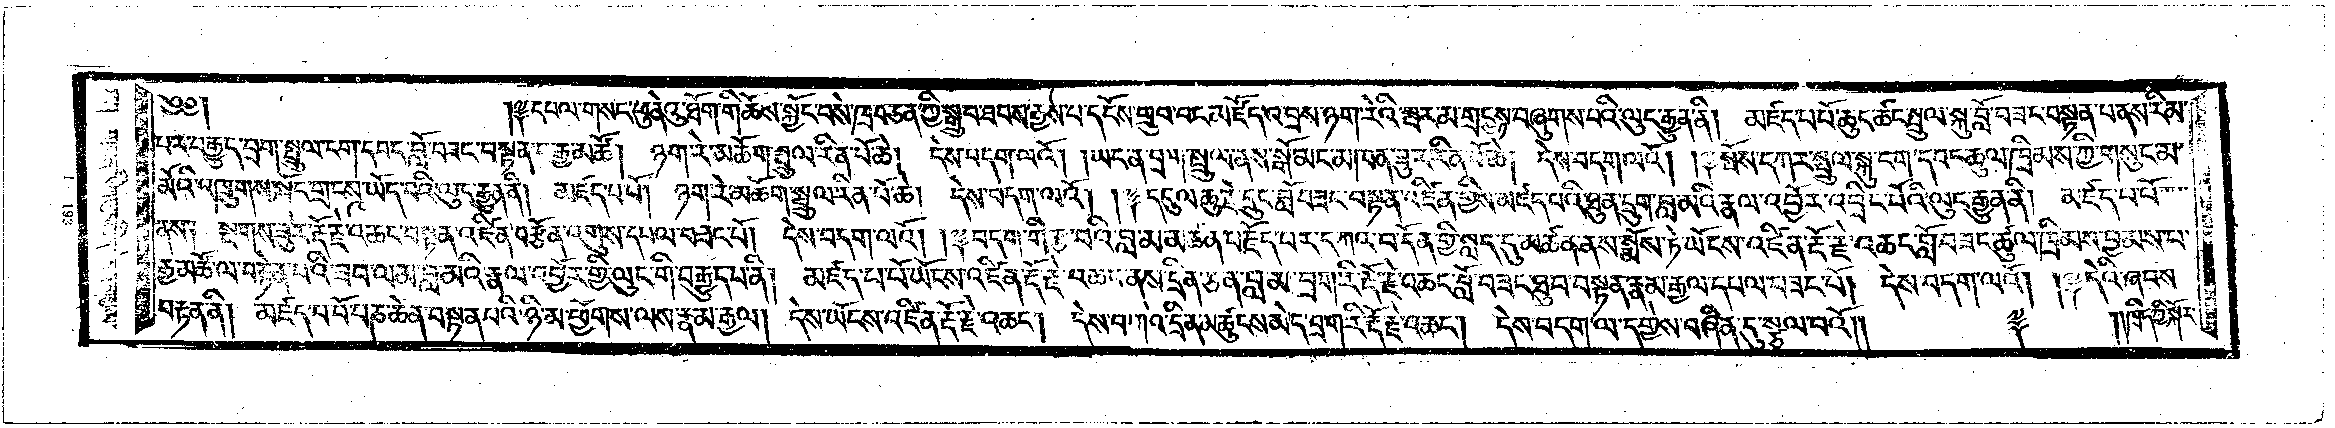༄༅། ། ༈ དཔལ་གསང་ཕུ་ནེའུ་ཐོག་གི་ཆོས་སྐྱོང་བསེ་ཁྲབ་ཅན་ཀྱི་སྒྲུབ་ཐབས་རྒྱས་པ་དངོས་གྲུབ་བང་མཛོད་འབྲས་ཉག་རེའི་སྤར་མ་གྲངས༤༡་བཞུགས་པའི་ལུང་རྒྱུན་ནི། མཛད་པ་པོ་ཆུང་ཚང་སྤྲུལ་སྐུ་བློ་བཟང་བསྟན་པ་ནས་རིམ་
པར་བརྒྱུད་བྲག་སྤྲུལ་ངག་དབང་བློ་བཟང་བསྟན་པ་རྒྱ་མཚོ། ཉག་རེ་མཆོག་སྤྲུལ་རིན་པོ་ཆེ། དེས་བདག་ལའོ། །ཡང་ན་བྲག་སྤྲུལ་ནས་སྒོ་མང་མཁན་ཟུར་རིན་པོ་ཆེ། དེས་བདག་ལའོ། ། ༈ སྤོས་དཀར་སྤྲུལ་སྐུ་ངག་དབང་ཚུལ་ཁྲིམས་ཀྱི་གསུང་མ་
མོའི་འཁྲུགས་སྐོང་གྲངས༩་ཡོད་པའི་ལུང་རྒྱུན་ནི། མཛད་པ་པོ། ཉག་རེ་མཆོག་སྤྲུལ་རིན་པོ་ཆེ། དེས་བདག་ལའོ། ། ༈ དངུལ་ཆུ་རྗེ་དྲུང་བློ་བཟང་བསྟན་འཛིན་གྱིས་མཛད་པའི་ཐུན་དྲུག་བླ་མའི་རྣལ་འབྱོར་འབྲིང་པོའི་ལུང་རྒྱུན་ནི། མཛད་པ་པོ་
ནས༑ སྔགས་ཟུར་རྡོ་རྗེ་འཆང་བསྟན་འཛིན་བརྩོན་འགུས་དཔལ་བཟང་པོ། དེས་བདག་ལའོ། ། ༈ བདག་གི་རྩ་བའི་བླ་མ་མཚན་བརྗོད་པར་དཀའ་བ་དོན་གྱི་སླད་དུ་མཚན་ནས་སྨོས་ཏེ་ཡོངས་འཛིན་རྡོ་རྗེ་འཆང་བློ་བཟང་ཚུལ་ཁྲིམས་བྱམས་པ་
རྒྱ་མཚོ་ལ་བརྟེན་པའི་ཟབ་ལམ་བླ་མའི་རྣལ་འབྱོར་གྱི་ལུང་གི་བརྒྱུད་པ་ནི། མཛད་པ་པོ་ཡོངས་འཛིན་རྡོ་རྗེ་འཆང་ནས་དྲིན་ཅན་བླ་མ་བྲག་རི་རྡོ་རྗེ་འཆང་བློ་བཟང་ཐུབ་བསྟན་རྣམ་རྒྱལ་དཔལ་བཟང་པོ། དེས་བདག་ལའོ། ། ༈ དེའི་ཞབས་
བརྟན་ནི། མཛད་པ་པོ་པཎ་ཆེན་བསྟན་པའི་ཉི་མ་ཕྱོགས་ལས་རྣམ་རྒྱལ། དེས་ཡོངས་འཛིན་རྡོ་རྗེ་འཆང་། དེས་བཀའ་དྲིན་མཚུངས་མེད་བྲག་རི་རྡོ་རྗེ་འཆང་། དེས་བདག་ལ་དགྱེས་བཞིན་དུ་སྩལ་བའོ།། ༈ །།ཁྲིད་ཀྱི་སྐོར་